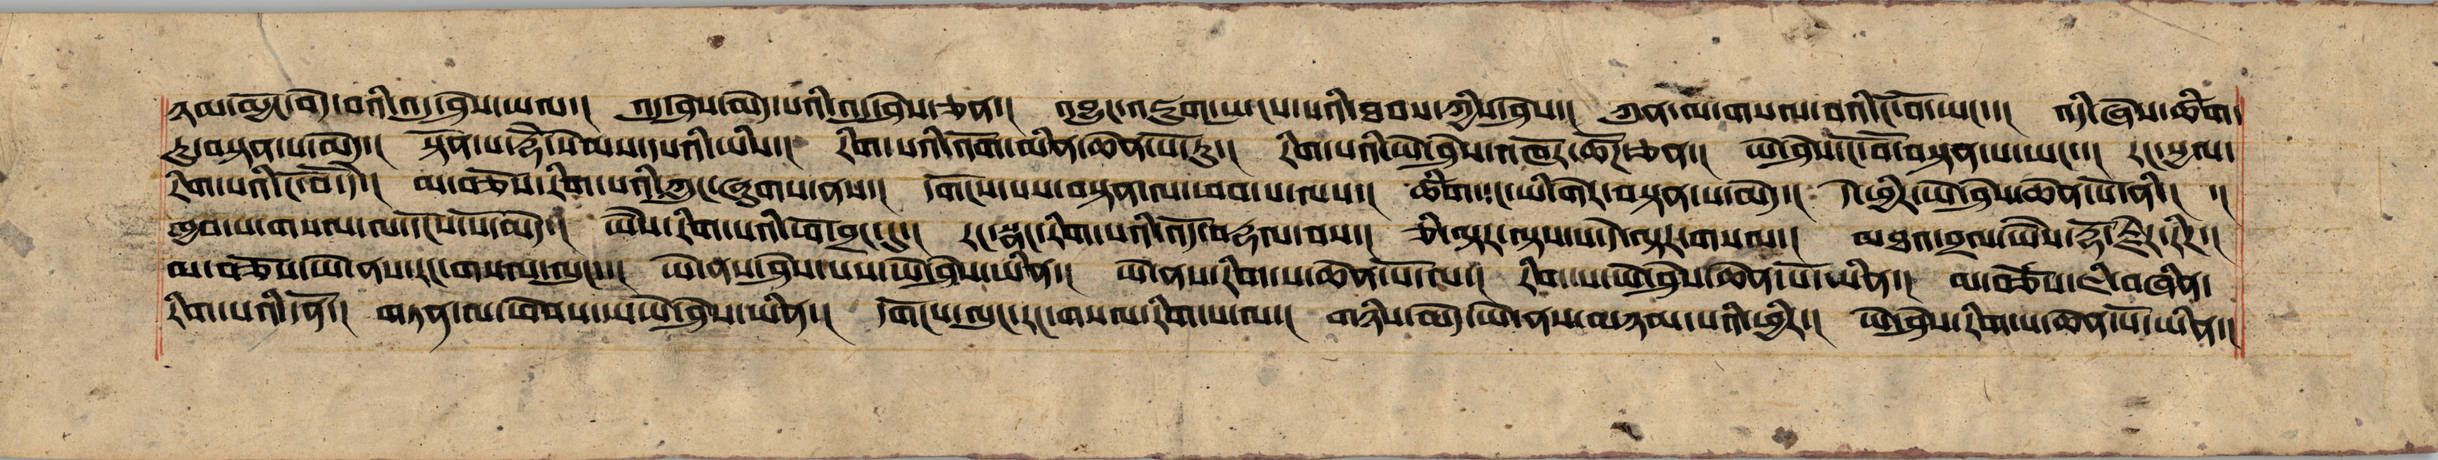ཉམ་མྱོང་བདེ་བའི་འདུ་ཤེས་ཡལ་། འདུ་ཤེས་མེད་པའི་འདུ་ཤེས་ཅན་། འབྱུང་འཇུག་སྤངས་པའི་ཐབས་ཀྱིས་ཤེས་། ཀུན་ལ་གསལ་བའི་ངོ་བོ་ཡང་་། འདི་ཞེས་ཚིག་
ཏུ་བསྟན་པ་མེད་། སྟོན་པ་རྡོེ་་སེམས་དཔའི་ཡིས་། རིག་པའི་འོག་མིན་ཆེན་པོ་ཏུ་། རིག་པའི་ཡེ་ཤེས་འཁོར་ཚོཌ་ཅན་། ཡེ་ཤེས་ངོ་བོ་བསྟན་པ་ཡང་་། རང་སྱལ་
རིག་པའི་ངོ་བོ་དེ་། མ་བཅོས་རིག་པའི་ཀླུང་ཞུགས་ནས་། དགོངས་པས་བསྟན་ལ་ཕབ་པ་ལས་། ཚིག་དང་ཡི་གེར་བསྟན་པ་མེད་། དེ་ཕྱིར་ཡེ་ཤེས་ཆེན་པོ་ནི་། ་།
ཁྱབ་པ་གསལ་ལ་དངོས་པོ་མེད་། ཡཻས་རིག་པའི་ཕོ་བྲང་དུ་། རང་སྣང་རིག་པའི་འོད་བརྡལ་བས་། ཅི་ལྟར་ལྟས་པ་དེ་ལྟར་གསལ་། མཐའ་བྲལ་ཡཻས་རྡོ་རྗེར་རིཌ་།
མ་བཅོས་ཡེ་ནས་རང་གསལ་ལུང་་། ཡེ་ནས་ཤེས་ལས་ཡེ་ཤེས་ཡིན་། ཡེ་ནས་རིག་པ་ཆེན་པོ་ལ་། རིག་པ་ཡེ་ཤེས་ཆེན་པོ་ཡིན་། མ་བཅོས་ཇི་བཞིན་
རིག་པའི་དོན་། གཏན་ལ་ཕེབས་པ་ཡེ་ཤེས་ཡིན་། དགོངས་ལུང་རང་གསལ་རིག་པ་ལ་། གཉིས་མེད་ཡེ་ནས་མཉམ་པའི་ཕྱིར་། ཡེ་ཤེས་རིག་པ་ཆེན་པོ་ཡིན་།